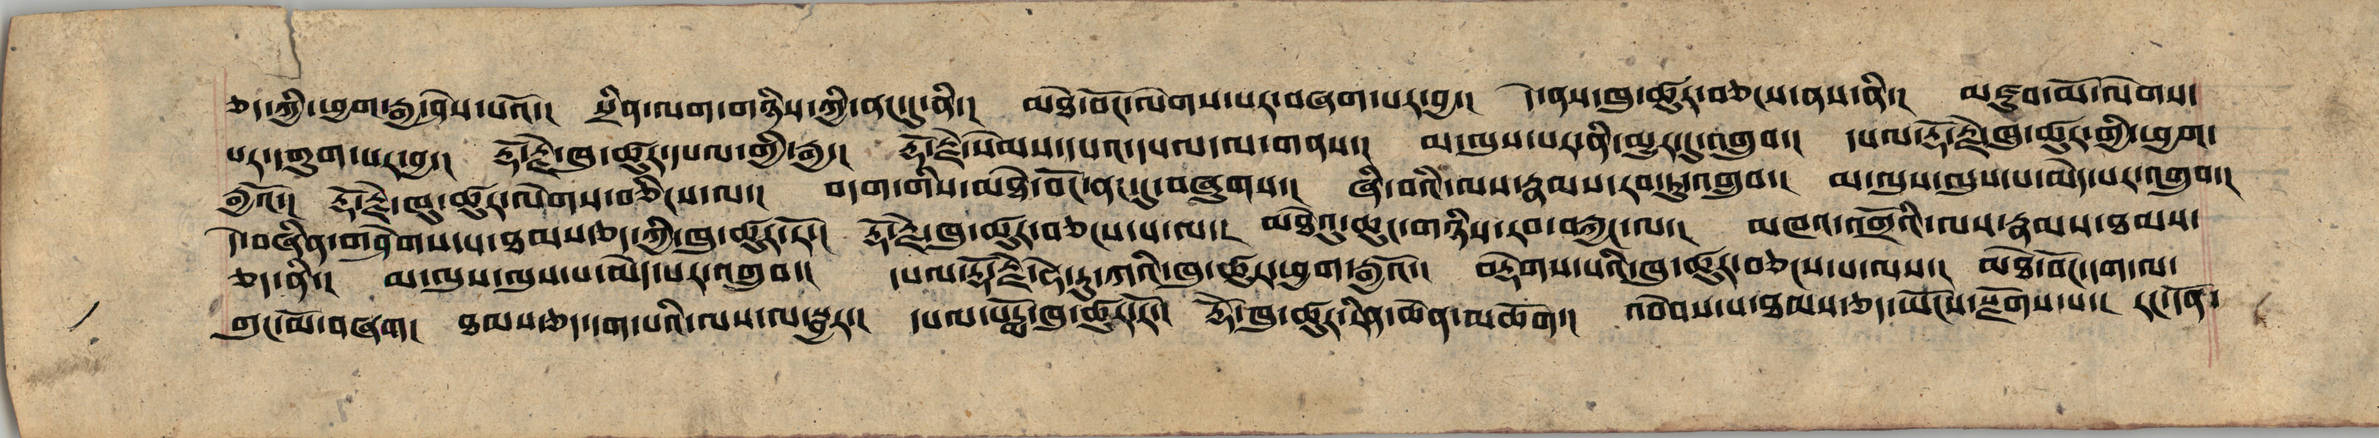ཅད་ཀྱི་ཕྱག་རྒྱ་ཤེས་པའོ་། སྲིན་ལག་གཉིས་ཀྱི་ནང་དུ་ནི་། མཐེ་བོང་ལེགས་པར་བཞག་པར་བྱ་། དེ་ནས་ཁུ་ཚུར་བཅངས་ནས་ནི་། མཛུབ་མོ་ལེགས་
པར་དགུག་པར་བྱ་། རྡོ་རྗེ་ཁུ་ཚུར་དཔལ་གྱི་རྒྱ་། རྡོ་རྗེ་སེམས་དཔའ་དཔལ་ལ་གནས་། མ་ལུས་པར་ནི་མྱུར་དུ་འགྲུབ་། དཔལ་རྡོ་རྗེ་ཁུ་ཚུར་གྱི་ཕྱག་
རྒྱའོ་། རྡོ་རྗེ་ཁུ་ཚུར་ལེགས་བཅིངས་ལ་། བདག་གིས་མཐེ་བོང་ནང་དུ་བཞུགས་། ཞི་བའི་ལས་རྣམས་རབ་ཏུ་འགྲུབ་། མ་ལུས་ལུས་པ་མེད་པར་འགྲུབ་།
དེ་བཞིན་གཤེགས་པ་ཐམས་ཅད་ཀྱི་ཁུ་ཚུར་རོ་། རྡོ་རྗེ་ཁུ་ཚུར་བཅངས་པ་ལ་། མཐེའུ་ཆུང་གཉིས་རབ་བརྐྱང་ལ་། མཁའ་འགྲོའི་ལས་རྣམ་ཐམས་
ཅད་ནི་། མ་ལུས་ལུས་པ་མེད་པར་འགྲུབ་། དཔལ་རྡོ་རྗེ་ཧེ་རུ་ཀའི་ཁུ་ཚུར་ཕྱག་རྒྱའོ་། བརྡེགས་པའི་ཁུ་ཚུར་བཅངས་པ་ལས་། མཐེ་བོང་དག་ལ
གུང་མོ་བཞག། ཐམས་ཅད་དག་པའི་ལས་ལ་སྦྱར་། དཔལ་པདྨོ་ཁུ་ཚུར་རོ་། རྡོེ་ཁུ་ཚུར་རིན་ཆེན་མཆོག་། འབེབས་པ་ཐམས་ཅད་ཡོངས་སྫོགས་པ་། རང་དོན་